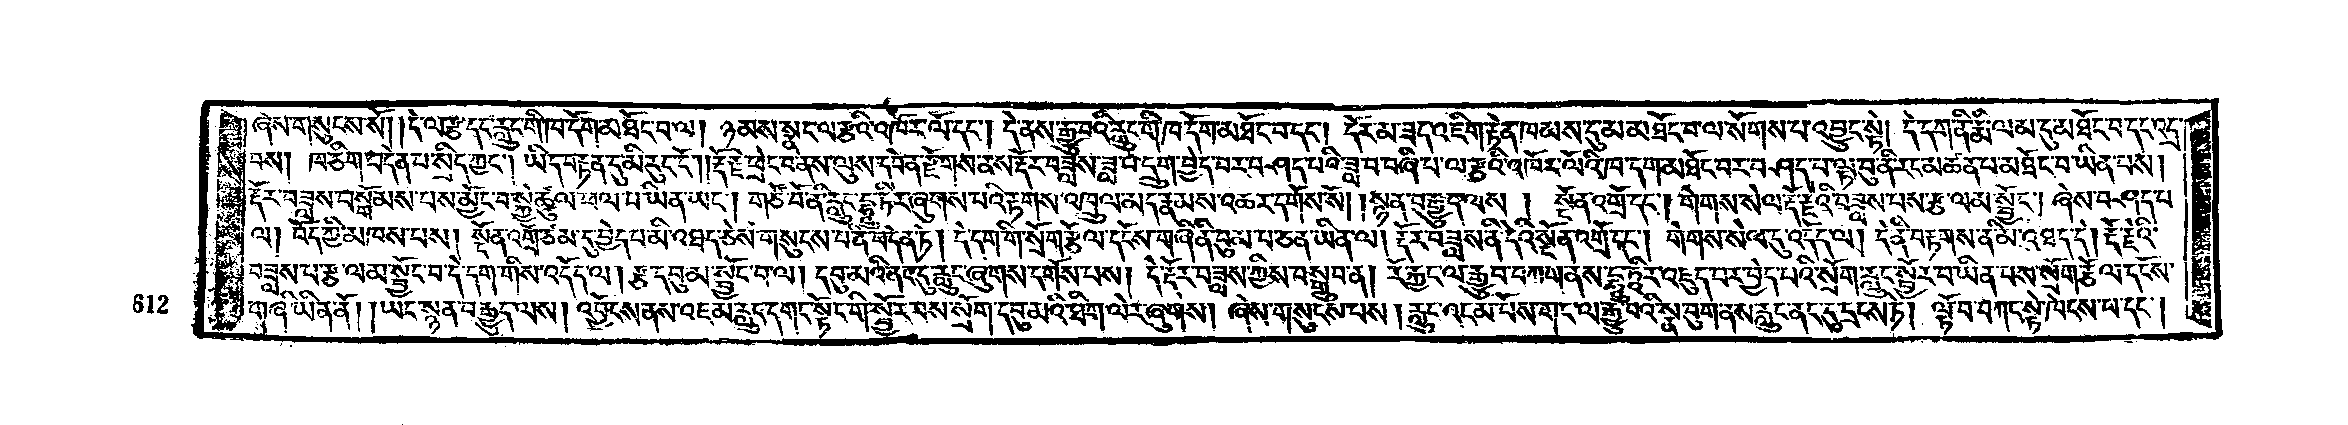ཞེས་གསུངས་སོ། །དེ་ལ་རྩ་དང་རླུང་གི་ཁ་དོག་མཐོང་བ་ལ། ཉམས་སྣང་ལ་རྩའི་འཁོར་ལོ་དང་། དེ་ནས་རྒྱུ་བའི་རླུང་གི་ཁ་དོག་མཐོང་བ་དང་། དེར་མ་ཟད་འཇིག་རྟེན་ཁམས་དུ་མ་མཐོང་བ་ལ་སོགས་པ་འབྱུང་སྟེ། དེ་དག་ནི་རྨི་ལམ་དུ་མཐོང་བ་དང་འདྲ་
བས། ཁ་ཅིག་བདེན་པ་སྲིད་ཀྱང་། ཡིད་བརྟན་དུ་མི་རུང་ངོ། །རྡོ་རྗེ་ཕྲེང་བ་ནས་ལུས་དབེན་རྫོགས་ནས་རྡོར་བཟླས་ཟླ་པ་དྲུག་བྱེད་པར་བཤད་པའི་ཟླ་བ་བཞི་པ་ལ་རྩའི་འཁོར་ལོའི་ཁ་དོག་མཐོང་བར་བཤད་པ་ལྟ་བུ་ནི་རང་མཚན་པ་མཐོང་བ་ཡིན་པས།
རྡོར་བཟླས་བསྒོམས་པས་མྱོང་བ་སྐྱེ་ཚུལ་ཕལ་པ་ཡིན་ཡང་། གཙོ་བོ་ནི་རླུང་དྷཱུ་ཏཱིར་ཞུགས་པའི་རྟགས་འཁྲུལ་མེད་རྣམས་འཆར་དགོས་སོ། །སྙན་བརྒྱུད་ལས། སྔོན་འགྲོ་དང་། གེགས་སེལ་རྡོ་རྗེའི་བཟླས་པས་རྩ་ལམ་སྦྱོང་། ཞེས་བཤད་པ་
ལ། བོད་ཀྱི་མཁས་པས། སྔོན་འགྲོ་ཙམ་དུ་བྱེད་པ་མི་འཐད་ཅེས་གསུངས་པ་ནི་བདེན་ཏེ། དེ་དག་གི་སྲོག་རྩོལ་དངོས་གཞི་ནི་བུམ་པ་ཅན་ཡིན་ལ། རྡོར་བཟླས་ནི་དེའི་སྔོན་འགྲོ་དང་། གེགས་སེལ་དུ་འདོད་ལ། དེ་ནི་བརྟགས་ན་མི་འཐད་དེ། རྡོ་རྗེའི་
བཟླས་པ་རྩ་ལམ་སྦྱོང་བ་དེ་དག་གིས་འདོད་ལ། རྩ་དབུ་མ་སྦྱོང་བ་ལ། དབུ་མའི་ནང་དུ་རླུང་ཞུགས་དགོས་པས། དེ་རྡོར་བཟླས་ཀྱིས་བསྒྲུབ་ན། རོ་རྐྱང་ལ་རྒྱུ་བ་བཀག་ནས་དྷཱུ་ཏཱིར་འཇུད་པར་བྱེད་པའི་སྲོག་རླུང་སྦྱོར་བ་ཡིན་པས་སྲོག་རྩོལ་དངོས་
གཞི་ཡིན་ནོ། །ཡང་སྙན་བརྒྱུད་ལས། འབྱོངས་ནས་འཇམ་རླུང་དགང་སྟོང་གི་སྦྱོར་བས་སྲོག་དབུ་མའི་ཐིག་ལར་ཞུགས། ཞེས་གསུངས་པས། རླུང་འཇམ་པོས་གང་ལ་རྒྱུ་བའི་སྣ་བུག་ནས་རླུང་ནང་དུ་དྲངས་ཏེ། ལྟོ་བ་བཀང་སྟེ་ཁེངས་པ་དང་།